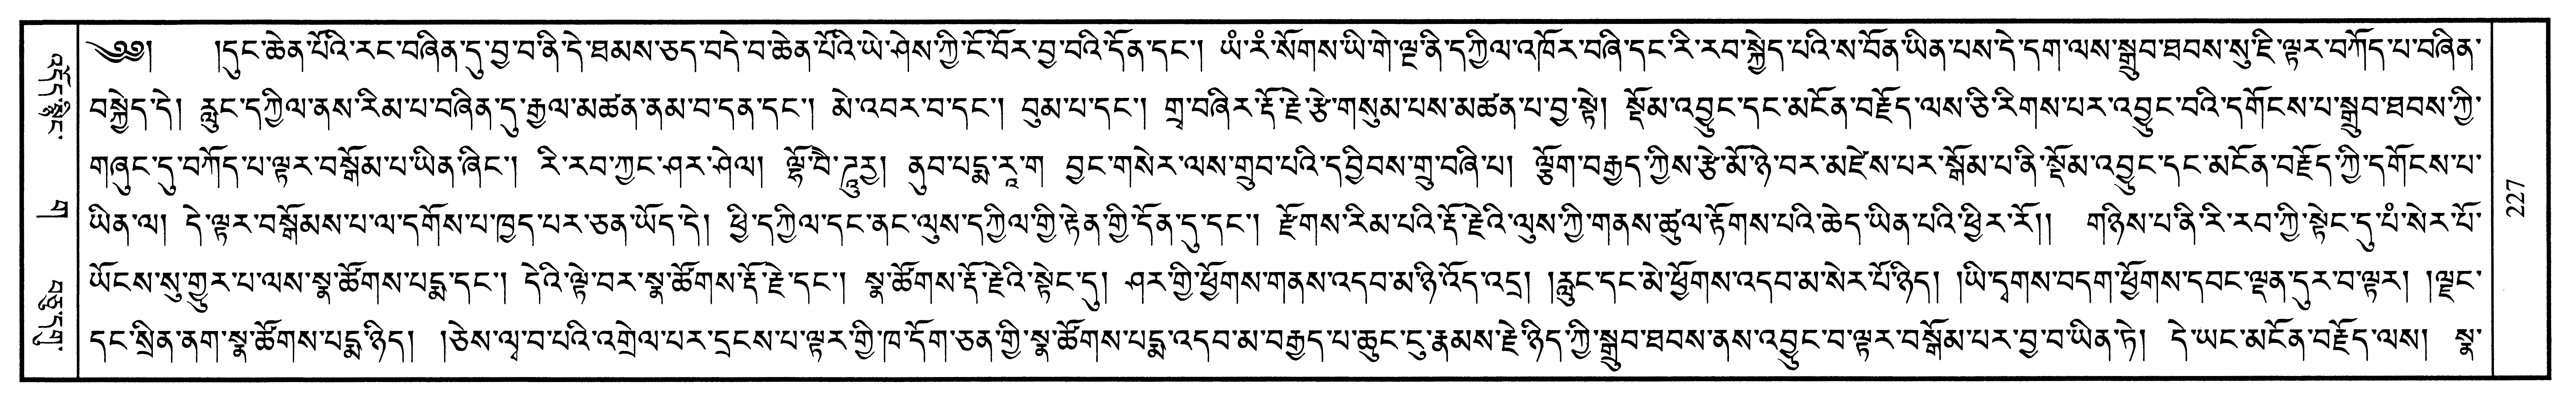༄༅། །དུང་ཆེན་པོའི་རང་བཞིན་དུ་བྱ་བ་ནི་དེ་ཐམས་ཅད་བདེ་བ་ཆེན་པོའི་ཡེ་ཤེས་ཀྱི་ངོ་བོར་བྱ་བའི་དོན་དང་། ཡཾ་རཾ་སོགས་ཡི་གེ་ལྔ་ནི་དཀྱིལ་འཁོར་བཞི་དང་རི་རབ་སྐྱེད་པའི་ས་བོན་ཡིན་པས་དེ་དག་ལས་སྒྲུབ་ཐབས་སུ་ཇི་ལྟར་བཀོད་པ་བཞིན་
བསྐྱེད་དེ། རླུང་དཀྱིལ་ནས་རིམ་པ་བཞིན་དུ་རྒྱལ་མཚན་ནམ་བ་དན་དང་། མེ་འབར་བ་དང་། བུམ་པ་དང་། གྲྭ་བཞིར་རྡོ་རྗེ་རྩེ་གསུམ་པས་མཚན་པ་བྱ་སྟེ། སྡོམ་འབྱུང་དང་མངོན་བརྗོད་ལས་ཅི་རིགས་པར་འབྱུང་བའི་དགོངས་པ་སྒྲུབ་ཐབས་ཀྱི་
གཞུང་དུ་བཀོད་པ་ལྟར་བསྒོམ་པ་ཡིན་ཞིང་། རི་རབ་ཀྱང་ཤར་ཤེལ། ལྷོ་བཻ་ཌཱུརྱ། ནུབ་པདམ་རཱ་ག །བྱང་གསེར་ལས་གྲུབ་པའི་དབྱིབས་གྲུ་བཞི་པ། ལྕོག་བརྒྱད་ཀྱིས་རྩེ་མོ་ཉེ་བར་མཛེས་པར་སྒོམ་པ་ནི་སྡོམ་འབྱུང་དང་མངོན་བརྗོད་ཀྱི་དགོངས་པ་
ཡིན་ལ། དེ་ལྟར་བསྒོམས་པ་ལ་དགོས་པ་ཁྱད་པར་ཅན་ཡོད་དེ། ཕྱི་དཀྱིལ་དང་ནང་ལུས་དཀྱིལ་གྱི་རྟེན་གྱི་དོན་དུ་དང་། རྫོགས་རིམ་པའི་རྡོ་རྗེའི་ལུས་ཀྱི་གནས་ཚུལ་རྟོགས་པའི་ཆེད་ཡིན་པའི་ཕྱིར་རོ།། གཉིས་པ་ནི་རི་རབ་ཀྱི་སྟེང་དུ་པཾ་སེར་པོ་
ཡོངས་སུ་གྱུར་པ་ལས་སྣ་ཚོགས་པདམ་དང་། དེའི་ལྟེ་བར་སྣ་ཚོགས་རྡོ་རྗེ་དང་། སྣ་ཚོགས་རྡོ་རྗེའི་སྟེང་དུ། ཤར་གྱི་ཕྱོགས་གནས་འདབ་མ་ཉི་འོད་འདྲ། །རླུང་དང་མེ་ཕྱོགས་འདབ་མ་སེར་པོ་ཉིད། །ཡི་དྭགས་བདག་ཕྱོགས་དབང་ལྡན་དུར་བ་ལྟར། །ལྗང་
དང་སྲིན་ནག་སྣ་ཚོགས་པདམ་ཉིད། །ཅེས་ལྭ་བ་པའི་འགྲེལ་པར་དྲངས་པ་ལྟར་གྱི་ཁ་དོག་ཅན་གྱི་སྣ་ཚོགས་པདམ་འདབ་མ་བརྒྱད་པ་ཆུང་ངུ་རྣམས་རྗེ་ཉིད་ཀྱི་སྒྲུབ་ཐབས་ནས་འབྱུང་བ་ལྟར་བསྒོམ་པར་བྱ་བ་ཡིན་ཏེ། དེ་ཡང་མངོན་བརྗོད་ལས། སྣ་